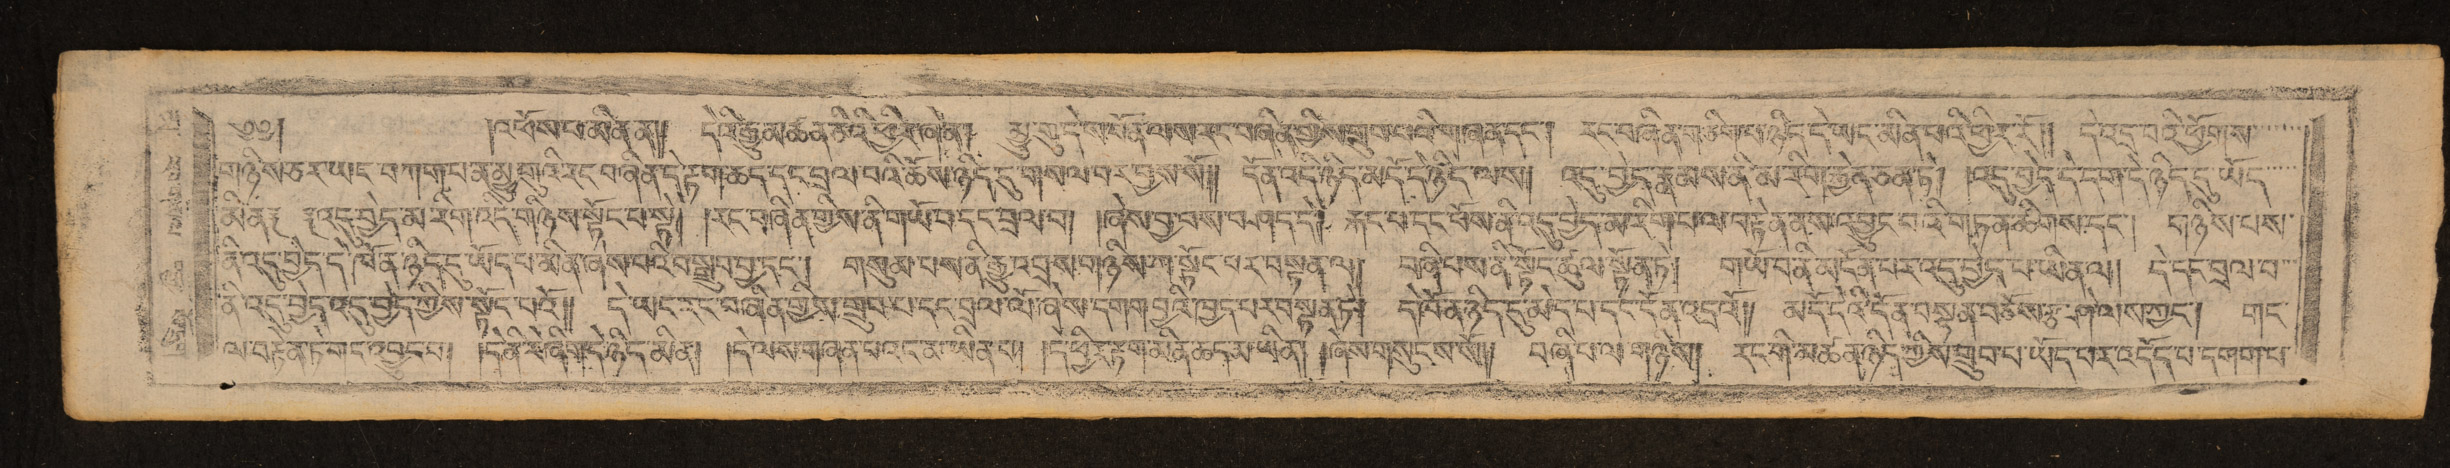༄༅། །འཕོས་པ་མིན་ན།། དེའི་རྒྱུ་མཚན་ཅིའི་ཕྱིར་ཞེ་ན། མྱུ་གུ་དེ་ས་བོན་ལས་རང་བཞིན་གྱིས་གྲུབ་པའི་གཞན་དང་། རང་བཞིན་གཅིག་པ་ཉིད་དེ་ཡང་མིན་པའི་ཕྱིར་རོ།། དེ་འདྲ་བའི་ཕྱོགས་
གཉིས་ཅར་ཡང་བཀག་པ་ན་མྱུ་གུའི་རང་བཞིན་དེ་རྟག་ཆད་དང་བྲལ་བའི་ཆོས་ཉིད་དུ་གསལ་བར་བྱས་སོ།། དོན་འདི་ཉིད་མདོ་དེ་ཉིད་ལས། འདུ་བྱེད་རྣམས་ནི་མ་རིག་རྐྱེན་ཅན་ཏེ། །འདུ་བྱེད་དེ་དག་དེ་ཉིད་དུ་ཡོད་
མིན༑ ༑འདུ་བྱེད་མ་རིག་འདི་གཉིས་སྟོང་པ་སྟེ། །རང་བཞིན་གྱིས་ནི་གཡོ་བ་དང་བྲལ་བ། །ཞེས་བྱ་བས་བཤད་དེ། རྐང་པ་དང་པོས་ནི་འདུ་བྱེད་མ་རིག་པ་ལ་བརྟེན་ནས་འབྱུང་བའི་གཏན་ཚིགས་དང་། གཉིས་པས་
ནི་འདུ་བྱེད་དེ་ཁོ་ན་ཉིད་དུ་ཡོད་པ་མིན་ཞེས་པའི་བསྒྲུབ་བྱ་དང་། གསུམ་པས་ནི་རྒྱུ་འབྲས་གཉིས་ཀ་སྟོང་པར་བསྟན་ལ། བཞི་པས་ནི་སྟོང་ཚུལ་སྟོན་ཏེ། གཡོ་བ་ནི་མངོན་པར་འདུ་བྱེད་པ་ཡིན་ལ། དེ་དང་བྲལ་བ་
ནི་འདུ་བྱེད་འདུ་བྱེད་ཀྱིས་སྟོང་པའོ།། དེ་ཡང་རང་བཞིན་གྱིས་གྲུབ་པ་དང་བྲལ་ལོ་ཞེས་དགག་བྱའི་ཁྱད་པར་བསྟན་ཏེ། དེ་ཁོ་ན་ཉིད་དུ་མེད་པ་དང་དོན་འདྲའོ།། མདོ་དེའི་དོན་བསྟན་བཅོས་རྩ་ཤེ་ལས་ཀྱང་། གང་
ལ་བརྟེན་ཏེ་གང་འབྱུང་བ། །དེ་ནི་རེ་ཞིག་དེ་ཉིད་མིན། །དེ་ལས་གཞན་པའང་མ་ཡིན་པ། །དེ་ཕྱིར་རྟག་མིན་ཆད་མ་ཡིན། །ཞེས་གསུངས་སོ།། བཞི་པ་ལ་གཉིས། རང་གི་མཚན་ཉིད་ཀྱིས་གྲུབ་པ་ཡོད་པར་འདོད་པ་དགག་པ་